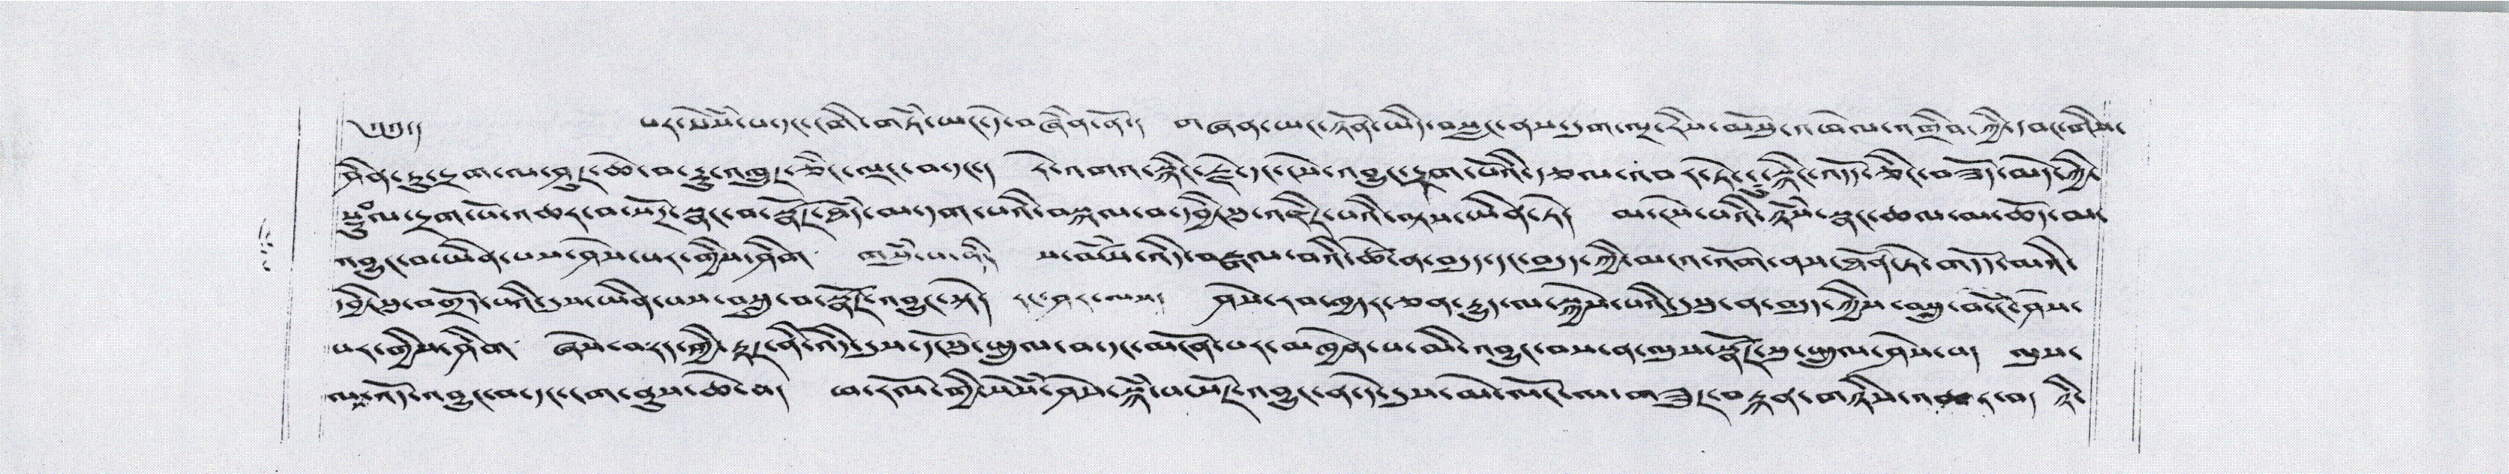པར་སེམས་པ་དང་ངག་གི་གཏམ་ཡང་དེ་བཞིན་ནོ། གཞན་ཡང་ཉོན་ཡིད་བསླང་ནས་དུག་ལྔ་རེས་མོས་སུ་འཕེལ་འགྲིབ་ཀྱི་དབང་གིས་
ཤིན་ཏུ་དྲག་ལ་ཤུགས་ཆེ་བ་རུ་དྲག་ཅིང་སྡང་བ་དང་། རེ་འགའ་སྙིང་རྗེ་དང་ངེས་འབྱུང་དྲག་པོའི་རྩལ་འབར་ཏེ་ངུ་སྙིང་འདོད་ཅིང་བཟོད་མེད་ཀྱི་
སྡུག་བསྔལ་དྲག་པོ་འཆར་བ་སོགས་སྣང་བ་སྣ་ཚོགས་ཐམས་ཅད་མ་དག་པའི་བསྐལ་པ་དབྱིངས་སུ་འཇིགས་པའི་ལྟས་ཡིན་ཏེ། མ་ངེས་པའི་ཉམས་སྣང་ཆལ་མ་ཆོད་མ་
འབྱུང་བ་ཡིན་པས་ཤེས་པར་གྱིས་ཤིག གསུམ་པ་ནི། ས་མཚམས་འདི་བརྒལ་བའི་ཚེ་ན། བདུད་དང་བདུད་ཀྱི་མངའ་འོག་ནས་ཐོན་ཏེ་གདོད་མའི་
དབྱིངས་སུ་བགྲོད་པའི་དུས་ཡིན་པས་བསླུ་བ་སྣ་ཚོགས་འབྱུང་སྟེ། རང་ཤར་ལས། ཤེས་རབ་ཁྱད་པར་ཅན་རྒྱུད་ལ་སྐྱེས་པའི་དུས་ན་བདུད་ཀྱིས་བསླུ་བ་ངོ་ཤེས་
པར་གྱིས་ཤིག ཞེས་བར་ཆད་ཀྱི་རྟགས་ནི་འདི་དུས་དངོས་སུ་སྤྲུལ་པ་དང་མངོན་པར་མཁྱེན་པ་མི་འབྱུང་བས་ན་ལུས་སྣ་ཚོགས་སུ་སྤྲུལ་ཤེས་པ། ལུས་
ལས་འོད་འབྱུང་བ་དང་ངག་ནུས་ཆེ་བ། ཕ་རོལ་གྱི་སེམས་ཤེས་སྙམ་པ་སོགས་འབྱུང་ན་དེ་དུས་མེ་ལོང་ལ་གཟུགས་བརྙན་བཞིན་འཆར་བ། ཉི་